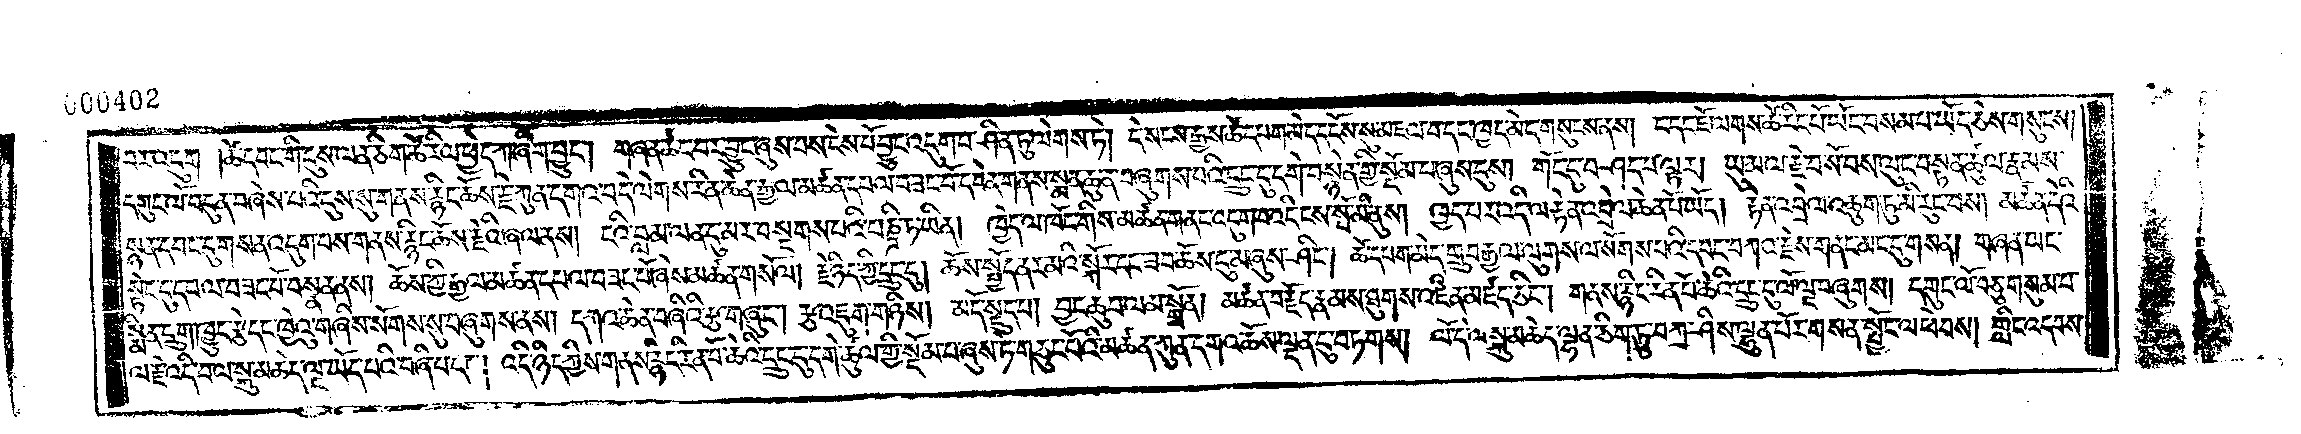བར་འདུག །ཚེ་དབང་གི་དུས་ལན་ཅིག་ཚེ་རིལ་ཕྱེད་ཀ་ཞིག་བྱུང་། གཞན་ཚང་བར་བྱུང་ཞུས་པས་ངེས་པོ་བྱུང་འདུག་པ་ཤིན་ཏུ་ལེགས་ཏེ། དེ་སངས་རྒྱས་ཚེ་དཔག་མེད་དངོས་སུ་མཇལ་བ་དང་ཁྱད་མེད་གསུངས་ནས། ང་དང་ཇོ་ལགས་ཚེ་རིང་པོ་ཡོང་བསམ་པ་ཡོད་ཅེས་གསུངས།
དགུང་ལོ་བདུན་བཞེས་པའི་དུས་སུ་གནས་རྙིང་ཆོས་རྗེ་ཀུན་དགའ་བདེ་ལེགས་རིན་ཆེན་རྒྱལ་མཚན་དཔལ་བཟང་པོ་དབེན་གནས་སྨན་ཆུན་བཞུགས་པའི་དྲུང་དུ་དགེ་བསྙེན་གྱི་སྡོམ་པ་ཞུས་དུས། གོང་དུ་བཤད་པ་ལྟར། ཡུམ་ལ་རྗེ་བ་སོབས་ལུང་བསྟན་ཚུལ་རྣམས་
སྙན་དབང་དུ་གསན་འདུག་པས་གནས་རྙིང་ཆོས་རྗེའི་ཞལ་ནས། ངའི་བླ་མ་ལན་དུ་མར་བསྔགས་པའི་པཎྜི་ཏ་ཡིན། ཁྱེད་ལ་ཁོང་གིས་མཚན་གནང་འདུག་པ་འདི་ངས་སྤོ་མི་ནུས། ཁྱད་པར་འདི་ལ་རྟེན་འབྲེལ་ཆེན་པོ་ཡོད། རྟེན་འབྲེལ་འཆུག་ཏུ་མི་རུང་བས། མཚན་དེའི་
སྟེང་དུ་དཔལ་བཟང་པོ་བསྣན་ནས། ཆོས་ཀྱི་རྒྱལ་མཚན་དཔལ་བཟང་པོ་ཞེས་མཚན་གསོལ། རྗེ་ཉིད་ཀྱི་དྲུང་དུ། ཆོས་སྤྱོད་ནར་མའི་སྐོར་དང་ཟབ་ཆོས་དུ་མ་ཞུས་ཤིང་། ཚེ་དཔག་མེད་གྲུབ་རྒྱལ་ལུགས་ལ་སོགས་པའི་དབང་བཀའ་རྗེས་གནང་མང་དུ་གསན། གཞན་ཡང་
སྨིན་དྲུག་ཁྱུང་རྩེ་དང་ཁྱེའུ་གཞིས་སོགས་སུ་བཞུགས་ནས། དཀའ་ཆེན་བཞིའི་རྩ་གཞུང་། རྩ་འཇུག་གཉིས། མདོ་སྡུད་པ། བྱང་ཆུབ་ལམ་སྒྲོན། མཚན་བརྗོད་རྣམས་ཐུགས་འཛིན་མཛད་ཅིང་། གནས་རྙིང་རིན་པོ་ཆེའི་དྲུང་དུ་ལོ་ལྔ་བཞུགས། དགུང་ལོ་བཅུ་གསུམ་པ་
ལ་རྗེ་འདི་བ་ལ་སྐུ་མཆེད་ལྔ་ཡོད་པའི་བཞི་པ་དང་། འདི་ཉིད་ཀྱིས་གནས་རྙིང་རིན་པོ་ཆེའི་དྲུང་དུ་དགེ་ཚུལ་གྱི་སྡོམ་པ་ཞུས་ཏེ་གཅུང་པོའི་མཚན་ཀུན་དགའ་ཆོས་ལྡན་དུ་བཏགས། ལོ་དེ་ལ་སྐུ་མཆེད་ལྷན་ཅིག་ཏུ་བཀྲ་ཤིས་ལྷུན་པོར་གསན་སྤྱོང་ལ་ཕེབས། གླིང་འདབས་